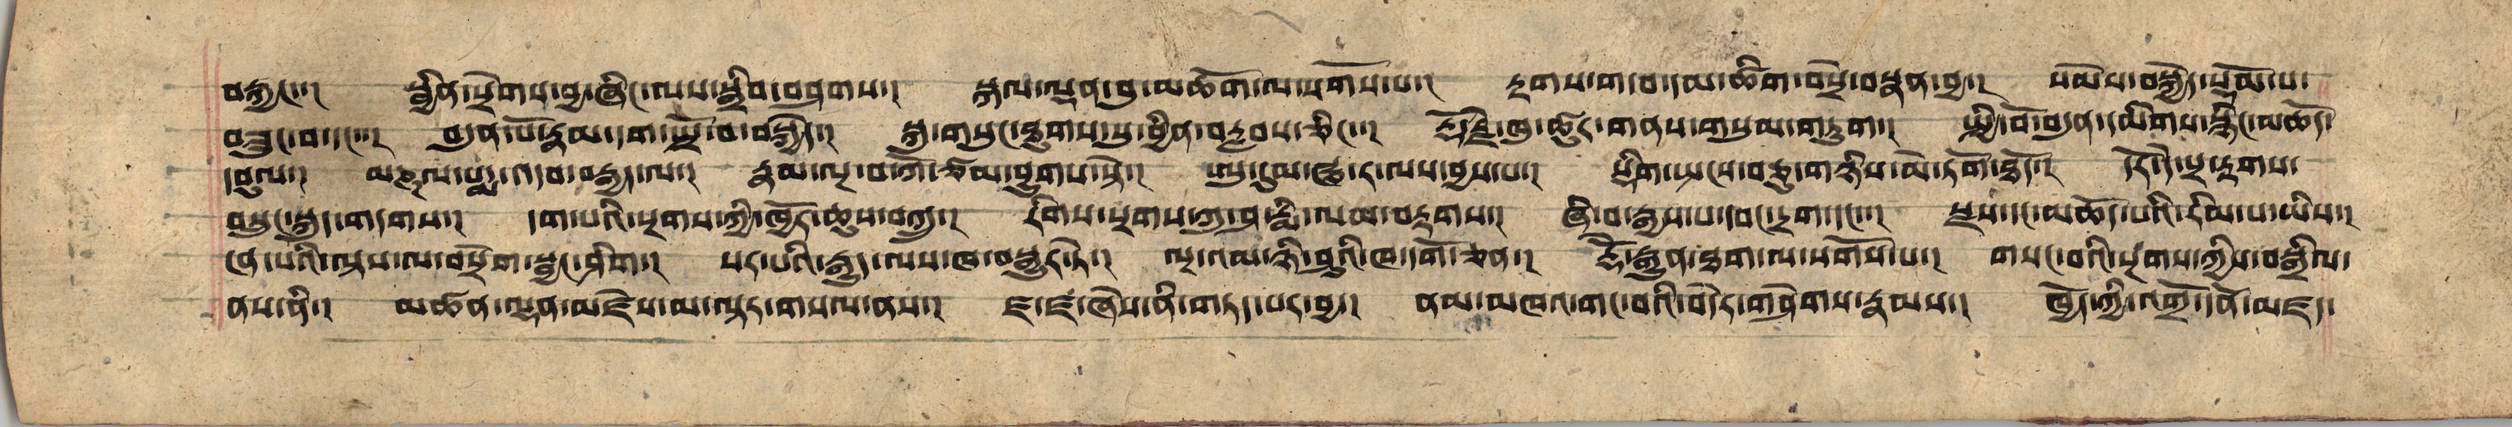བརྐྱང་་། སྦྱིན་སྲེགས་བྱ་ཞིང་ལས་སྒྲིབ་བཤགས་། སྐལ་ལྡན་བུ་མཆོག་ལ་སོགས་པ་། རྟགས་གདབ་དམ་ཚིག་བསྲེ་བསྣན་བྱ་། སེམས་བསྐྱེད་སྡོམ་པ་
བཟུང་བ་དང་་། བདུན་པོ་རྣམ་དག་སྤྲོ་བ་བསྐྱེད་། སྐུ་གསུང་ཐུགས་སུ་བྱིན་བརླབས་ཅིང་་། རྡོ་རྗེ་ཁུ་ཚུར་གནས་གསུམ་གཏུག་། སྤྱི་བོ་བདུན་དམིགས་སྙིང་མཆོད་
དབུལ་། མཎྜལ་པདྨ་འདབ་བརྒྱད་ལ་། རྣམ་ལྔ་བ་ཀོ་ཙམ་བྱུགས་སྟེ་། ཨུ་དུམ་ཝ་ར་ལས་བྱས་པ་། སྡིག་སྤངས་བཅུ་གཉིས་མེ་ཏོག་ཐོད་། དོར་དེ་པྲ་རྟགས་
བསྲུང་སྐུད་གདགས་། དག་པའི་སྔགས་ཀྱི་ཁྱོརཆུས་བཀྲུ་། རིགས་སྔགས་ཀུ་ཤ་རྨི་ལམ་བརྟགས་། ཞི་བ་རྒྱས་པ་དབང་དྲག་དང་་། སྫས་དང་མཆོད་པའི་རིམ་པ་ཡིས་།
ངན་པའི་ལྟས་ལ་བསྲེག་སྦྱང་ཤིག་། སར་པའི་རྒྱུད་ལས་ཁ་བསྒྱུར་སྟེ་། ལྔ་འམ་ཉི་ཤུའི་ཁ་དོག་ཅན་། རྡོེ་རྒྱུན་ཐག་ལ་སོགས་པ་། གསང་བའི་སྔགས་ཀྱིས་བསྒྲིལ་
ནས་ནི་། མཚན་ལྡན་མཛེས་མ་ལྟར་གསལ་ནས་། ཛ་ཛ་ཞེས་ནི་གཏད་པར་བྱ་། ནམ་མཁའ་གང་བའི་བདེར་གཤེགས་རྣམས་། ཁྱོད་ཀྱི་འགྲོ་དོན་མཛད་